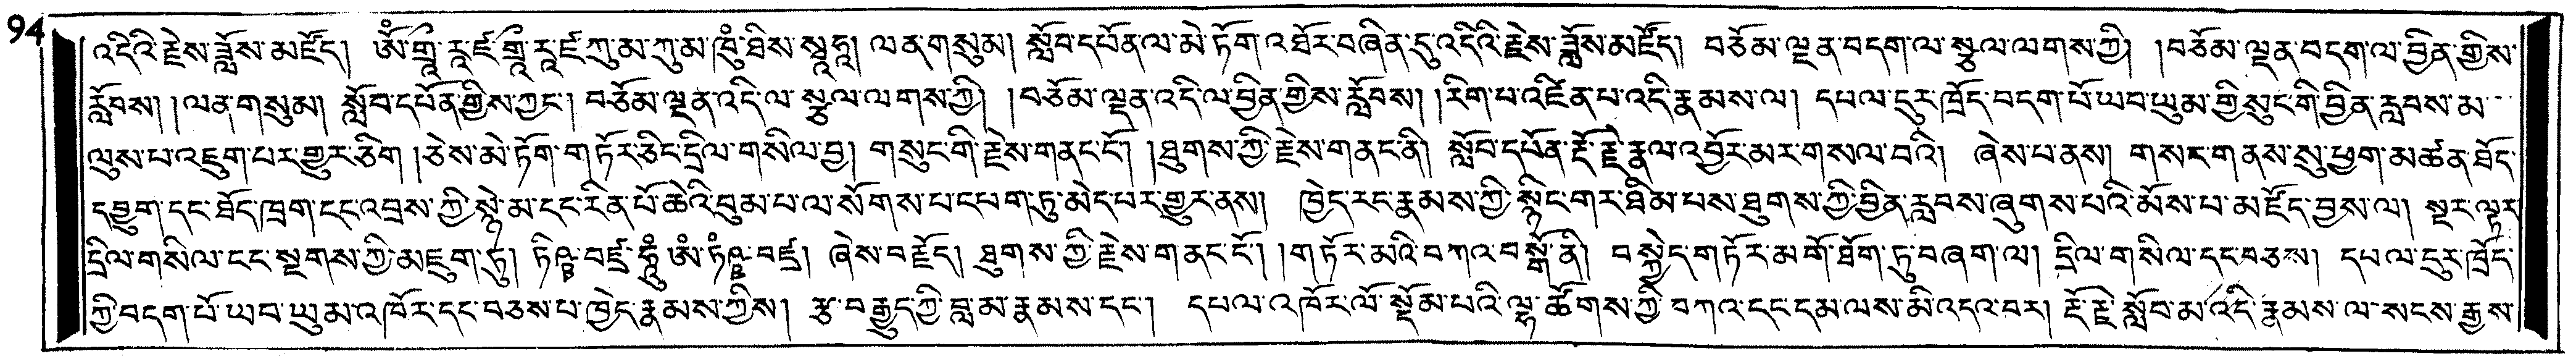འདིའི་རྗེས་ཟློས་མཛོད། ཨོཾ་གྲཱྀ་རཱ་ཛ་གྲཱྀ་རཱ་ཛ་ཀུ་མ་ཀུ་མ་ཁུཾ་ཐིས་སྭཱ་ཧཱ། ལན་གསུམ། སློབ་དཔོན་ལ་མེ་ཏོག་འཐོར་བཞིན་དུ་འདིའི་རྗེས་ཟློས་མཛོད། བཅོམ་ལྡན་བདག་ལ་སྩལ་ལགས་ཀྱི། །བཅོམ་ལྡན་བདག་ལ་བྱིན་གྱིས་
རློབས། །ལན་གསུམ། སློབ་དཔོན་གྱིས་ཀྱང་། བཅོམ་ལྡན་འདི་ལ་སྩལ་ལགས་ཀྱི། །བཅོམ་ལྡན་འདི་ལ་བྱིན་གྱིས་རློབས། །རིག་པ་འཛིན་པ་འདི་རྣམས་ལ། དཔལ་དུར་ཁྲོད་བདག་པོ་ཡབ་ཡུམ་གྱི་སུང་གི་བྱིན་རླབས་མ་
ལུས་པ་འཇུག་པར་གྱུར་ཅིག །ཅེས་མེ་ཏོག་གཏོར་ཅིང་དྲིལ་གསིལ་བྱ། གསུང་གི་རྗེས་གནང་ངོ། །ཐུགས་ཀྱི་རྗེས་གནང་ནི། སློབ་དཔོན་རྡོ་རྗེ་རྣལ་འབྱོར་མར་གསལ་བའི། ཞེས་པ་ནས། གསང་གནས་སུ་ཕྱག་མཚན་ཐོད་
དབྱུག་དང་ཐོད་ཁྲག་དང་འབྲས་ཀྱི་སྙེ་མ་དང་རིན་པོ་ཆེའི་བུམ་པ་ལ་སོགས་པ་དཔག་ཏུ་མེད་པར་གྱུར་ནས། ཁྱེད་རང་རྣམས་ཀྱི་སྙིང་གར་ཐིམ་པས་ཐུགས་ཀྱི་བྱིན་རླབས་ཞུགས་པའི་མོས་པ་མཛོད་བྱས་ལ། སྔར་ལྟར་
དྲིལ་གསིལ་ངང་སྔགས་ཀྱི་མཇུག་ཏུ། ཏིཥཊཿཨ་བྫྲ་ཧཱུཾ་ཨཾ་ཏཾཥཊཿཨ་བྫྲ། ཞེས་བརྗོད། ཐུགས་ཀྱི་རྗེས་གནང་ངོ། །གཏོར་མའི་བཀའ་བསྒོ་ནི། བསྐྱེད་གཏོར་མགོ་ཐོག་ཏུ་བཞག་ལ། དྲིལ་གསིལ་དང་བཅས། དཔལ་དུར་ཁྲོད་
ཀྱི་བདག་པོ་ཡབ་ཡུམ་འཁོར་དང་བཅས་པ་ཁྱེད་རྣམས་ཀྱིས། རྩ་བརྒྱུད་ཀྱི་བླ་མ་རྣམས་དང་། དཔལ་འཁོར་ལོ་སྡོམ་པའི་ལྷ་ཚོགས་ཀྱི་བཀའ་དང་དམ་ལས་མི་འདའ་བར། རྡོ་རྗེ་སློབ་མ་འདི་རྣམས་ལ་སངས་རྒྱས་